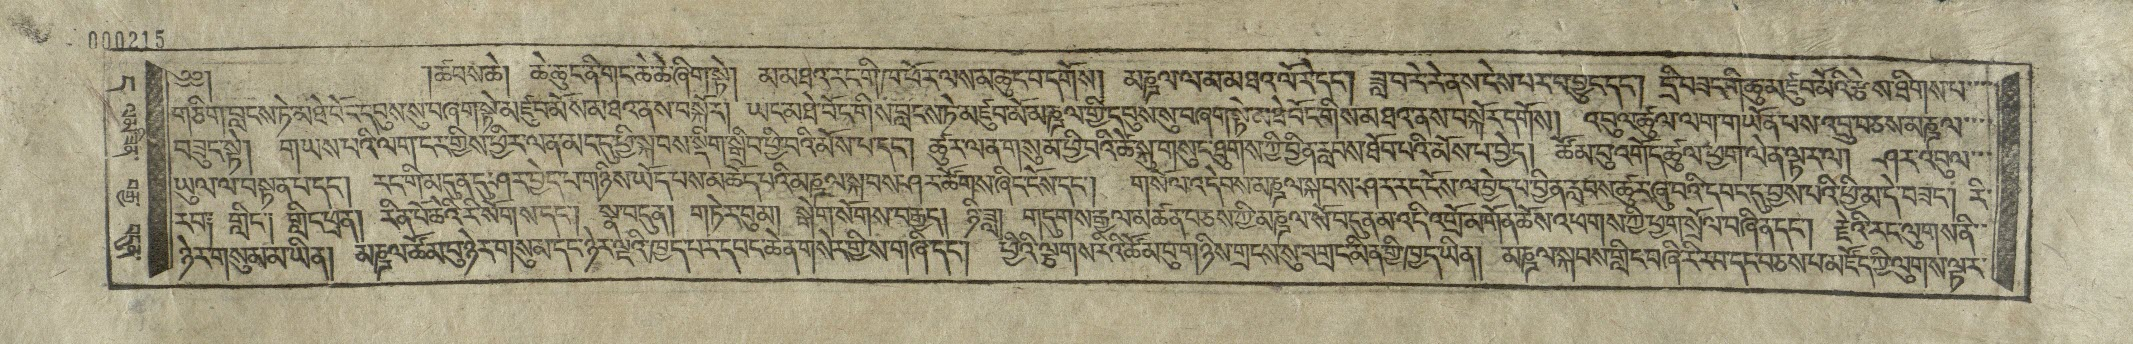༄༅། །ཚབས་ཆེ། ཆེ་ཆུང་ནི་གང་ཆེ་ཆེ་ཞིག་སྟེ། མ་མཐའ་རང་གི་ཁ་ཕོར་ལས་མ་ཆུང་བ་དགོས། མཎྜལ་ལ་མ་མཐའ་ལོ་རེ་དང་། ཟླ་བ་རེ་རེ་ནས་ངེས་པར་བ་བྱུང་དང་། དྲི་བཟང་གི་ཆུ་མཛུབ་མོའི་རྩེས་ཐིགས་པ་
གཅིག་བླངས་ཏེ་མཐེ་བོང་དབུས་སུ་བཞག་སྟེ་མཛུབ་མོས་མཐའ་ནས་བསྐོར། ཡང་མཐེ་བོང་གིས་བླངས་ཏེ་མཛུབ་མོ་མཎྜལ་གྱི་དབུས་སུ་བཞག་སྟེ་མཐེ་བོང་གིས་མཐའ་ནས་བསྐོར་དགོས། འབུལ་ཚུལ་ལག་གཡོན་པས་འབྲུ་བཅས་མཎྜལ་
བཟུང་སྟེ། གཡས་པའི་ལག་ངར་གྱིས་ཕྱིར་ལན་མང་དུ་ཕྱི་སྐབས་སྡིག་སྒྲིབ་ཕྱི་བའི་མོས་པ་དང་། ཚུར་ལན་གསུམ་ཕྱི་བའི་ཚེ་སྐུ་གསུང་ཐུགས་ཀྱི་བྱིན་རླབས་ཐོབ་པའི་མོས་པ་བྱེད། ཚོམ་བུ་འགོད་ཚུལ་ཕྱག་ལེན་ལྟར་ལ། ཤར་འབུལ་
ཡུལ་ལ་བསྟན་པ་དང་། རང་གི་མདུན་དུ་ཤར་བྱེད་པ་གཉིས་ཡོད་པས་མཆོད་པའི་མཎྜལ་སྐབས་ཤར་ཚོགས་ཞིང་ངོས་དང་། གསོལ་འདེབས་མཎྜལ་སྐབས་ཤར་རང་ངོས་ལ་བྱེད་པ་བྱིན་རླབས་ཚུར་ཞུ་བའི་དབང་དུ་བྱས་པའི་ཕྱི་མ་དེ་བཟང་། རི་
རབ༑ གླིང་། གླིང་ཕྲན། རིན་པོ་ཆེའི་རི་སོགས་དང་། སྣ་བདུན། གཏེར་བུམ། སྒེག་སོགས་བརྒྱད། ཉི་ཟླ། གདུགས་རྒྱལ་མཚན་བཅས་ཀྱི་མཎྜལ་སོ་བདུན་མ་འདི་འགྲོ་མགོན་ཆོས་འཕགས་ཀྱི་ཕྱག་སྲོལ་བཞིན་དང་། རྗེའི་རང་ལུགས་ནི་
ཉེར་གསུམ་མ་ཡིན། མཎྜལ་ཚོམ་བུ་ཉེར་གསུམ་དང་ཉེར་ལྔའི་ཁྱད་པར་དབང་ཆེན་གསེར་གྱི་ས་གཞི་དང་། ཕྱིའི་ལྕགས་རིའི་ཚོམ་བུ་གཉིས་གྲངས་སུ་བགྲང་མིན་གྱི་ཁྱད་ཡིན། མཎྜལ་སྐབས་གླིང་བཞི་རི་རབ་དང་བཅས་པ་མཛོད་ཀྱི་ལུགས་ལྟར་